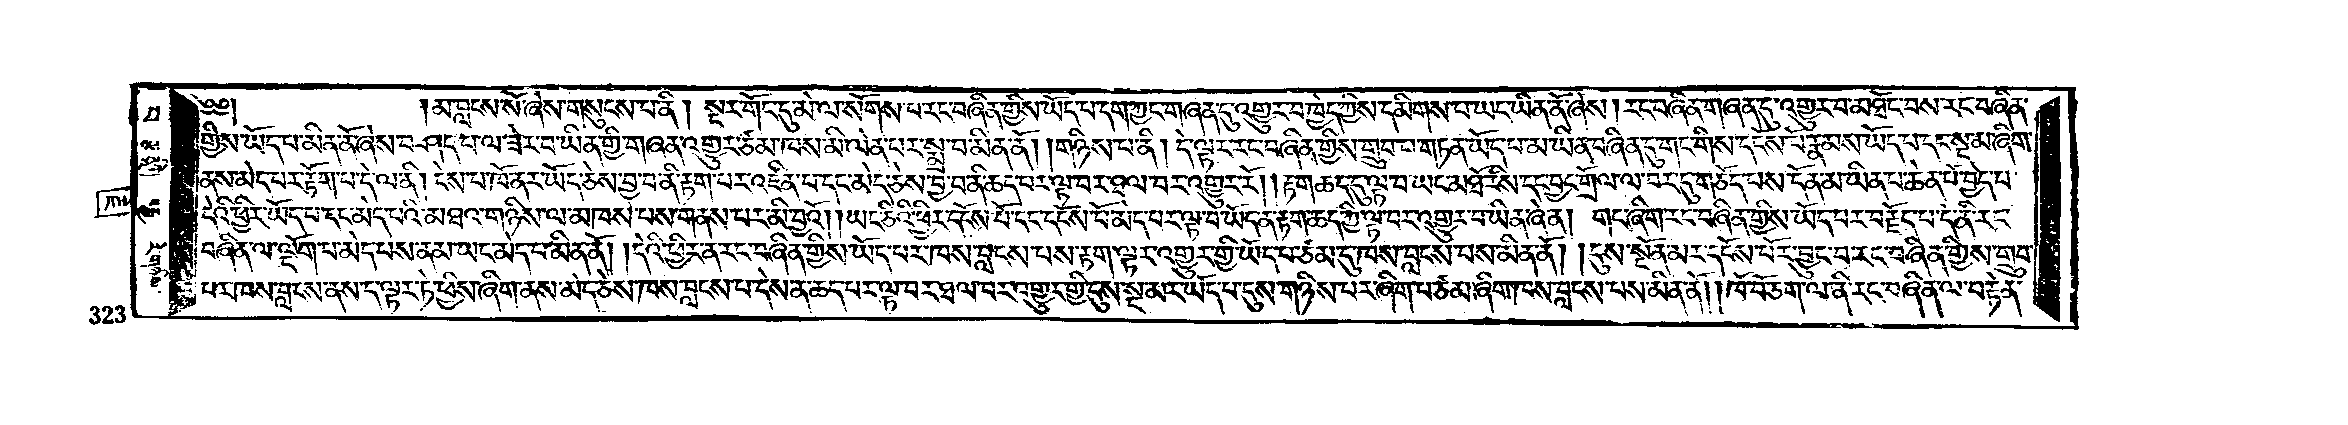༄༅། །མ་བླངས་སོ་ཞེས་གསུངས་པ་ནི། སྔར་གོང་དུ་མེ་ལ་སོགས་པ་རང་བཞིན་གྱིས་ཡོད་པ་དག་ཀྱང་གཞན་དུ་འགྱུར་བ་ཁྱེད་ཀྱིས་དམིགས་པ་ཡང་ཡིན་ནོ་ཞེས། རང་བཞིན་གཞན་དུ་འགྱུར་བ་མཐོང་བས་རང་བཞིན་
གྱིས་ཡོད་པ་མིན་ནོ་ཞེས་བཤད་པ་ལ་ཟེར་བ་ཡིན་གྱི་གཞན་འགྱུར་ཙམ་ཁས་མི་ལེན་པར་སྨྲ་བ་མིན་ནོ། །གཉིས་པ་ནི། དེ་ལྟར་རང་བཞིན་གྱིས་གྲུབ་པ་གཏན་ཡོད་པ་མ་ཡིན་བཞིན་དུ་གང་གིས་དངོས་པོ་རྣམས་ཡོད་པ་དང་སྔ་མ་ཞིག་
ནས་མེད་པར་རྟོག་པ་དེ་ལ་ནི། ངེས་པ་ཁོ་ནར་ཡོད་ཅེས་བྱ་བ་ནི་རྟག་པར་འཛིན་པ་དང་མེད་ཅེས་བྱ་བ་ནི་ཆད་པར་ལྟ་བར་ཐལ་བར་འགྱུར་རོ། །རྟག་ཆད་དུ་ལྟ་བ་ཡང་མཐོ་རིས་དང་བྱང་གྲོལ་ལ་བར་དུ་གཅོད་པས་དོན་མ་ཡིན་པ་ཆེན་པོ་བྱེད་པ་
དེའི་ཕྱིར་ཡོད་པ་དང་མེད་པའི་མཐའ་གཉིས་ལ་མཁས་པས་གནས་པར་མི་བྱའོ། །ཡང་ཅིའི་ཕྱིར་དངོས་པོ་དང་དངོས་པོ་མེད་པར་ལྟ་བ་ཡོད་ན་རྟག་ཆད་ཀྱི་ལྟ་བར་འགྱུར་བ་ཡིན་ཞེ་ན། གང་ཞིག་རང་བཞིན་གྱིས་ཡོད་པར་བརྗོད་པ་དེ་ནི་རང་
བཞིན་ལ་ལྡོག་པ་མེད་པས་ནམ་ཡང་མེད་པ་མིན་ནོ། །དེའི་ཕྱིར་ན་རང་བཞིན་གྱིས་ཡོད་པར་ཁས་བླངས་པས་རྟག་ལྟར་འགྱུར་གྱི་ཡོད་པ་ཙམ་དུ་ཁས་བླངས་པས་མིན་ནོ། །དུས་སྔོན་མར་དངོས་པོར་བྱུང་བ་རང་བཞིན་གྱིས་གྲུབ་
པར་ཁས་བླངས་ནས་ད་ལྟར་ཏེ་ཕྱིས་ཞིག་ནས་མེད་ཅེས་ཁས་བླངས་པ་དེས་ན་ཆད་པར་ལྟ་བར་ཐལ་བར་འགྱུར་གྱི་དུས་སྔ་མར་ཡོད་པ་དུས་གཉིས་པར་ཞིག་པ་ཙམ་ཞིག་ཁས་བླངས་པས་མིན་ནོ། །ཁོ་བོ་ཅག་ལ་ནི་རང་བཞིན་ལ་བརྟེན་